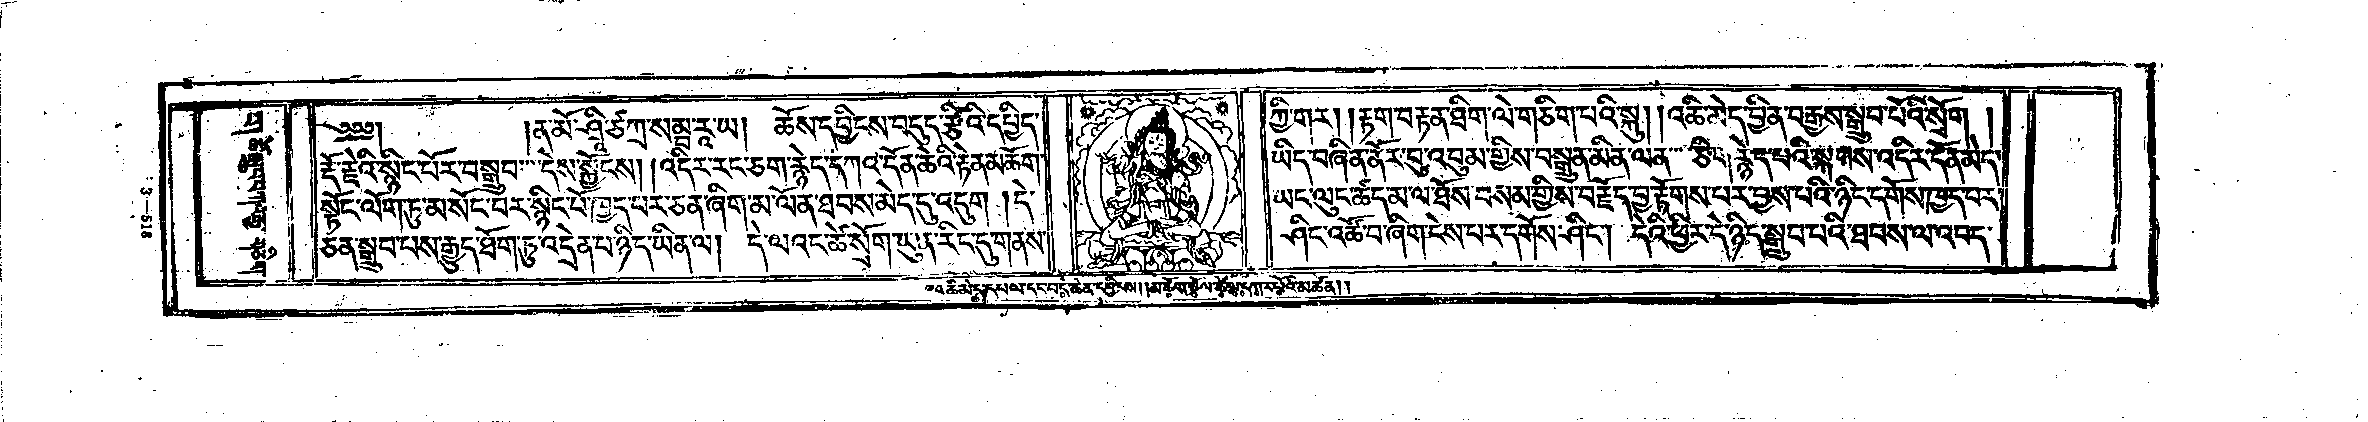༄༅༅། །ན་མོ་ཤྲཱི་ཙཀྲ་སམྦ་རཱ་ཡ། ཆོས་དབྱིངས་བདུད་རྩིའི་དཔྱིད་ཀྱི་གར། །རྟག་བརྟན་ཐིག་ལེ་གཅིག་པའི་སྐུ། །འཆི་མེད་བྱིན་བརྒྱས་སྒྲུབ་པོའི་སྲོག །
རྡོ་རྗེའི་སྙིང་པོར་བསྒྲུབ་དེས་སྐྱོངས། །འདིར་རང་ཅག་རྙེད་དཀའ་དོན་ཆེའི་རྟེན་མཆོག་ཡིད་བཞིན་ནོར་བུ་འབུམ་གྱིས་བསྒྲུན་མིན་ལན་ཅིག་རྙེད་པའི་སྐབས་འདིར་དོན་མེད་
སྟོང་ལོག་ཏུ་མ་སོང་བར་སྙིང་པོ་ཁྱད་པར་ཅན་ཞིག་མ་ལོན་ཐབས་མེད་དུ་འདུག །དེ་ཡང་ལུང་ཚད་མ་ལ་ཐོས་བསམ་གྱིས་བརྗོད་བྱ་རྟོགས་པར་བྱས་པའི་ཉིང་དགོས་ཁྱད་པར་
ཅན་སྒྲུབ་པས་རྒྱུད་ཐོག་ཏུ་འདྲེན་པ་ཉིད་ཡིན་ལ། དེ་ལའང་ཚེ་སྲོག་ཡུན་རིང་དུ་གནས་ཤིང་འཚོ་བ་ཞིག་ངེས་པར་དགོས་ཤིང་། དེའི་ཕྱིར་དེ་ཉིད་སྒྲུབ་པའི་ཐབས་ལ་འབད་